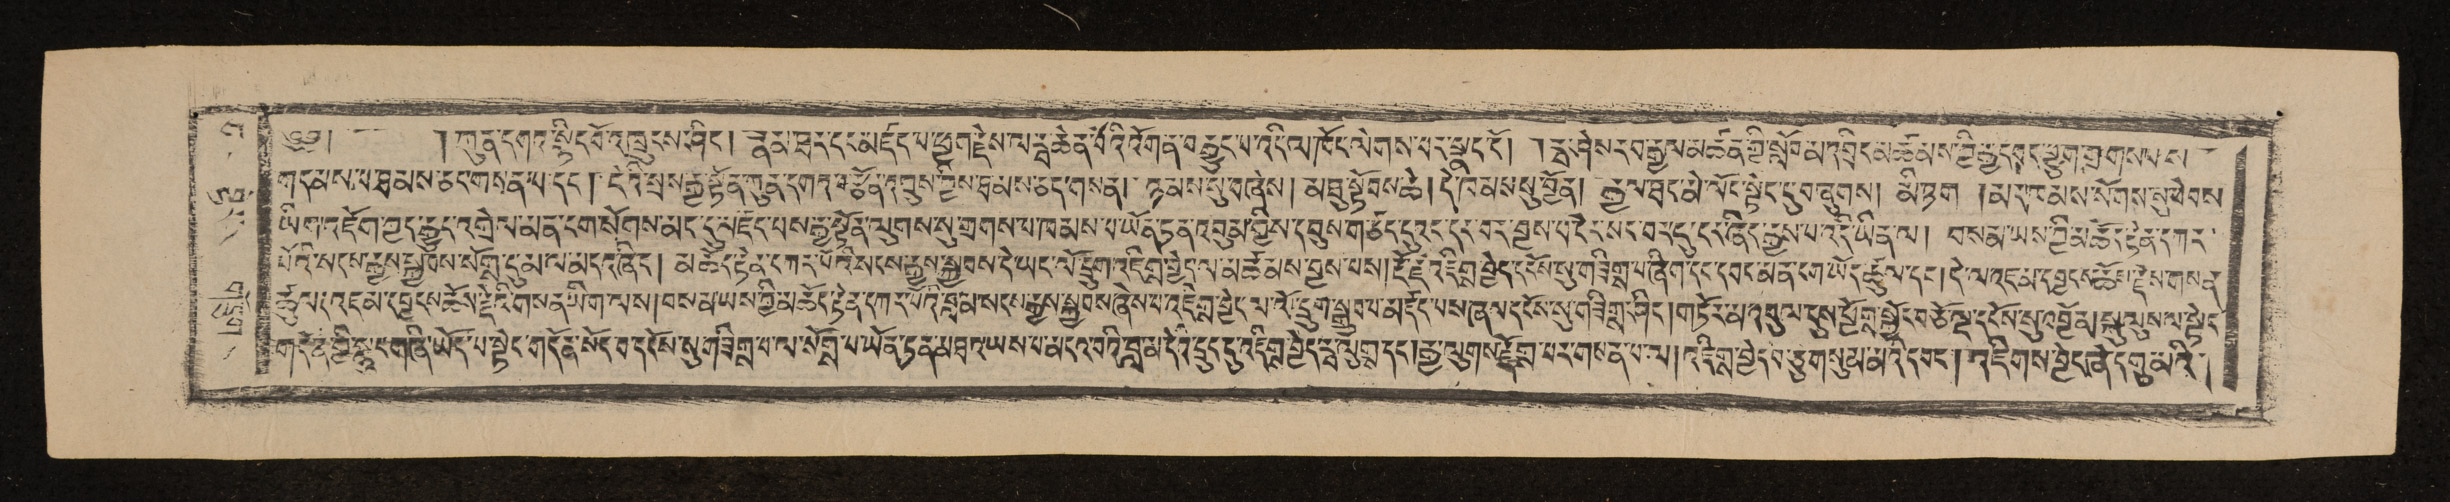༄༅། །ཀུན་དགའ་སྙིང་པོ་འཁྲུངས་ཤིང་། རྣམ་ཐར་དང་མཛད་པ་ཕྱག་རྗེས་ལ་རྭ་ཆེན་པོའི་འོག་ན་བརྒྱུད་པ་འདི་ལ་ཁོང་ལེགས་པར་སྣང་ངོ། །རྭ་ཤེས་རབ་རྒྱལ་མཚན་གྱི་སློབ་མ་འབྲིང་མཚམས་ཀྱི་རྒྱ་དབང་ཕྱུག་གྲགས་པས་
གདམས་པ་ཐམས་ཅད་གསན་པ་དང་། དེའི་སྲས་རྒྱ་སྟོན་ཀུན་དགའ་བརྩོན་འགྲུས་ཀྱིས་ཐམས་ཅད་གསན། ཉམས་སུ་བཞེས། མཐུ་སྟོབས་ཆེ། དེ་ཁམས་སུ་བྱོན། རྒྱལ་ཐང་མེ་ལོང་སྟེང་དུ་བཞུགས། མི་ཉག །མར་ཁམས་སོགས་སུ་ཕེབས་
ཡིག་འཇོག་ཀྱང་རྒྱུད་འགྲེལ་མན་ངག་སོགས་མང་དུ་མཛད་པས་རྒྱ་སྟོན་ལུགས་སུ་གྲགས་པ་ཁམས་པ་ཡོན་ཏན་འབུམ་གྱིས་དབུས་གཙང་དུའང་དར་བར་བྱས་པ་དེང་སང་བར་དུ་དར་ཞིང་རྒྱས་པ་འདི་ཡིན་ལ། བསམ་ཡས་ཀྱི་མཆོད་རྟེན་དཀར་
པོའི་སངས་རྒྱས་སྐྱབས་སོགས་དུ་མ་ལ་མངའ་ཞིང་། མཆོད་རྟེན་དཀར་པོའི་སངས་རྒྱས་སྐྱབས་དེ་ཡང་ལོ་དྲུག་འཇིགས་བྱེད་ལ་མཚམས་བྱས་པས། རྡོ་རྗེ་འཇིགས་བྱེད་དངོས་སུ་གཟིགས་པ་ཞིག་དང་དབང་མན་ངག་ཡོད་ཚུལ་དང་། དེ་ལ་འཇམ་དབྱངས་ཆོས་རྗེས་གསན་
ཚུལ༑ འཇམ་དབྱངས་ཆོས་རྗེའི་གསན་ཡིག་ལས། བསམ་ཡས་ཀྱི་མཆོད་རྟེན་དཀར་པོའི་བླ་མ་སངས་རྒྱས་སྐྱབས་ཞེས་པ་འཇིགས་བྱེད་ལ་ལོ་དྲུག་སྒྲུབ་པ་མཛད་པས་ཞལ་དངོས་སུ་གཟིགས་ཤིང་། གཏོར་མ་འབུལ་དུས་ཕྱོགས་སྐྱོང་བཅོ་ལྔ་དངོས་སུ་འབྱོན། སྐུ་ལུས་ལ་སྟེང་
གདོན་གྱི་སྙུང་གཞི་ཡོད་པ་སྟེང་གདོན་སོང་བ་དངོས་སུ་གཟིགས་པ་ལ་སོགས་པ་ཡོན་ཏན་མཐའ་ཡས་བ་མངའ་བའི་བླ་མ་དེའི་དྲུང་དུ་འཇིགས་བྱེད་རྭ་ལུགས་དང་། རྒྱ་ལུགས་རྫོགས་པར་གསན་པ་ལ། འཇིགས་བྱེད་བཅུ་གསུམ་མའི་དབང་། འཇིགས་བྱེད་ཞེ་དགུ་མའི་